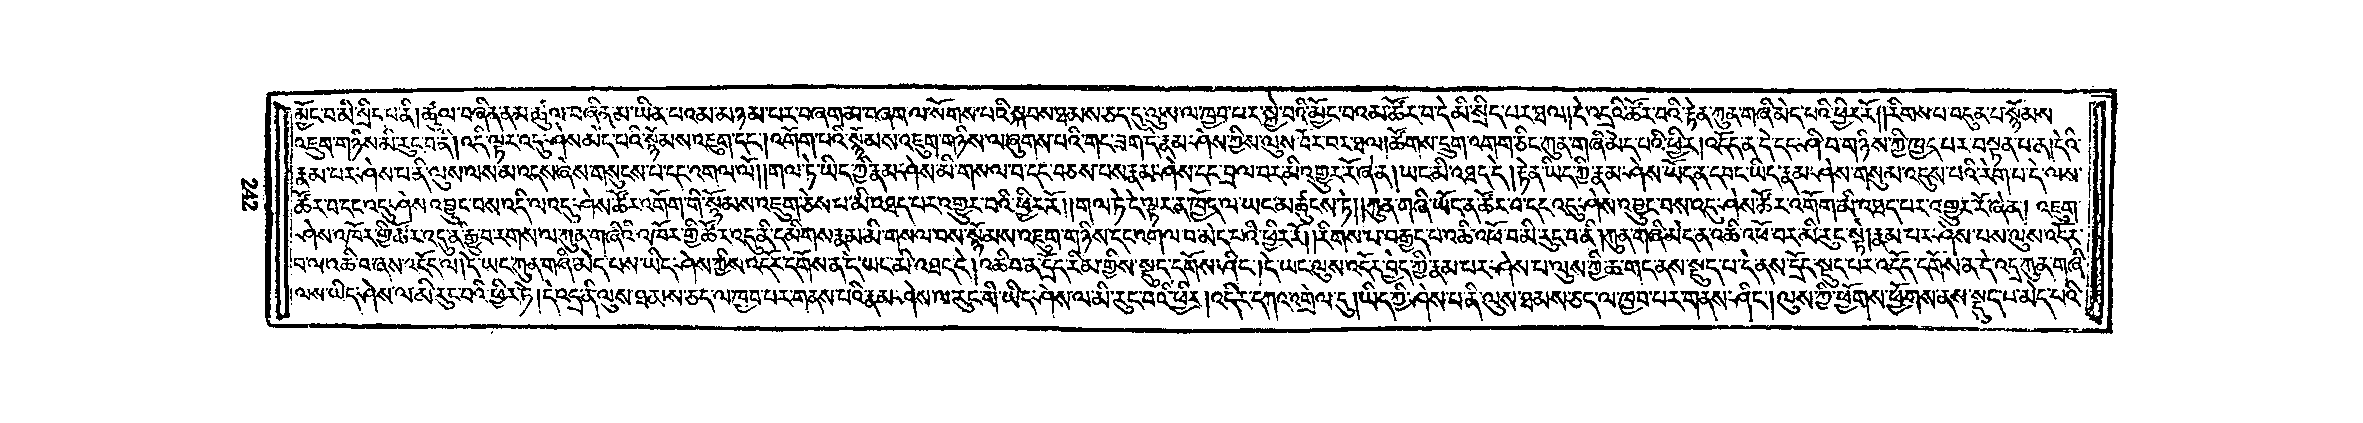མྱོང་བ་མི་སྲིད་པ་ནི། ཚུལ་བཞིན་ནམ་ཚུལ་བཞིན་མ་ཡིན་པའམ་མཉམ་པར་བཞག་མ་བཞག་ལ་སོགས་པའི་སྐབས་ཐམས་ཅད་དུ་ལུས་ལ་ཁྱབ་པར་སྐྱེ་བའི་མྱོང་བའམ་ཚོར་བ་དེ་མི་སྲིད་པར་ཐལ། དེ་འདྲའི་ཚོར་བའི་རྟེན་ཀུན་གཞི་མེད་པའི་ཕྱིར་རོ། །རིགས་པ་བདུན་པ་སྙོམས་
འཇུག་གཉིས་མི་རུང་བ་ནི། འདི་ལྟར་འདུ་ཤེས་མེད་པའི་སྙོམས་འཇུག་དང་། འགོག་པའི་སྙོམས་འཇུག་གཉིས་ལ་ཞུགས་པའི་གང་ཟག་དེ་རྣམ་ཤེས་ཀྱིས་ལུས་བོར་བར་ཐལ། ཚོགས་དྲུག་འགག་ཅིང་ཀུན་གཞི་མེད་པའི་ཕྱིར། འདོད་ན་དེ་དང་ཤི་བ་གཉིས་ཀྱི་ཁྱད་པར་བསྟན་པ་ན། དེའི་
རྣམ་པར་ཤེས་པ་ནི་ལུས་ལས་མ་འདས་ཞེས་གསུངས་པ་དང་འགལ་ལོ། །གལ་ཏེ་ཡིད་ཀྱི་རྣམ་ཤེས་མི་གསལ་བ་དང་བཅས་པས་རྣམ་ཤེས་དང་བྲལ་བར་མི་འགྱུར་རོ་ཞེ་ན། ཡང་མི་འཐད་དེ། རྟེན་ཡིད་ཀྱི་རྣམ་ཤེས་ཡོད་ན་དབང་ཡིད་རྣམ་ཤེས་གསུམ་འདུས་པའི་རེག་པ་དེ་ལས་
ཚོར་བ་དང་འདུ་ཤེས་འབྱུང་བས་འདི་ལ་འདུ་ཤེས་ཚོར་འགོག་གི་སྙོམས་འཇུག་ཅེས་པ་མི་འཐད་པར་འགྱུར་བའི་ཕྱིར་རོ། །གལ་ཏེ་དེ་ལྟར་ན་ཁྱོད་ལ་ཡང་མཚུངས་ཏེ། །ཀུན་གཞི་ཡོད་ན་ཚོར་བ་དང་འདུ་ཤེས་འབྱུང་བས་འདུ་ཤེས་ཚོར་འགོག་མི་འཐད་པར་འགྱུར་རོ་ཞེ་ན། འཇུག་
ཤེས་འཁོར་གྱི་ཚོར་འདུ་ནི་རྒྱུ་བ་རགས་ལ་ཀུན་གཞིའི་འཁོར་གྱི་ཚོར་འདུ་ནི་དམིགས་རྣམ་མི་གསལ་བས་སྙོམས་འཇུག་གཉིས་དང་འགལ་བ་མེད་པའི་ཕྱིར་རོ། །རིགས་པ་བརྒྱད་པ་འཆི་འཕོ་བ་མི་རུང་བ་ནི། ཀུན་གཞི་མེད་ན་འཆི་འཕོ་བར་མི་རུང་སྟེ། རྣམ་པར་ཤེས་པས་ལུས་འདོར་
བ་ལ་འཆི་བ་ཞས་འདོད་ལ། དེ་ཡང་ཀུན་གཞི་མེད་པས་ཡིད་ཤེས་ཀྱིས་འདོར་དགོས་ན་དེ་ཡང་མི་འཐད་དེ། འཆི་བ་ན་དྲོད་རིམ་གྱིས་སྡུད་དགོས་ཤིང་། དེ་ཡང་ལུས་འདོར་བྱེད་ཀྱི་རྣམ་པར་ཤེས་པ་ལུས་ཀྱི་ཆ་གང་ནས་སྡུད་པ་དེ་ནས་དྲོད་སྡུད་པར་འདོད་དགོས་ན་དེ་འདྲ་ཀུན་གཞི་
ལས་ཡིད་ཤེས་ལ་མི་རུང་བའི་ཕྱིར་ཏེ། དེ་འདྲ་ནི་ལུས་ཐམས་ཅད་ལ་ཁྱབ་པར་གནས་པའི་རྣམ་ཤེས་ལ་རུང་གི་ཡིད་ཤེས་ལ་མི་རུང་བའི་ཕྱིར། འདིར་དཀའ་འགྲེལ་དུ། ཡིད་ཀྱི་ཤེས་པ་ནི་ལུས་ཐམས་ཅད་ལ་ཁྱབ་པར་གནས་ཤིང་། ལུས་ཀྱི་ཕྱོགས་ཕྱོགས་ནས་སྡུད་པ་མེད་པའི་